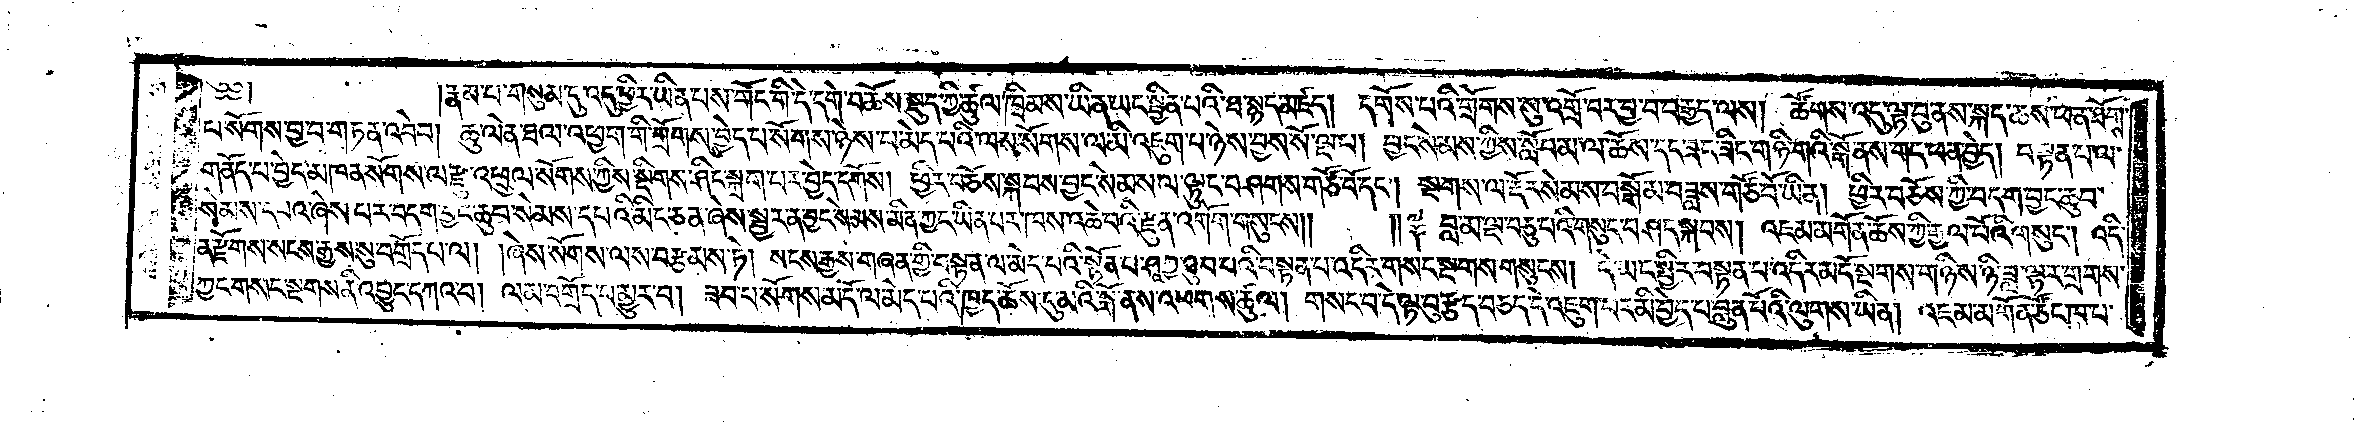༄༅། །རྣམ་པ་གསུམ་དུ་འདི་ཕྱིར་ཡིན་པས་གོང་གི་དེ་དགེ་བ་ཆོས་སྡུད་ཀྱི་ཚུལ་ཁྲིམས་ཡིན་ཡང་སྦྱིན་པའི་ཐ་སྙད་མཛད། དགོས་པའི་གྲོགས་སུ་འགྲོ་བར་བྱ་བ་བརྒྱད་ལས། ཚོགས་འདུ་ལྟ་བུ་ནས་སྐད་ཆས་ཕན་ཐོགས་
པ་སོགས་བྱ་བ་གཏན་འབེབ། ཆུ་ལེན་ཐལ་འཕྱག་གི་གྲོགས་བྱེད་པ་སོགས་ཉེས་པ་མེད་པའི་ལས་སོགས་ལ་མི་འཇུག་པ་ཉེས་བྱས་སོ་ལྔ་པ། བྱང་སེམས་ཀྱིས་སློབ་མ་ལ་ཆོས་དང་ཟང་ཟིང་གཉི་གའི་སྒོ་ནས་གང་ཕན་བྱེད། བསྟན་པ་ལ་
གནོད་པ་བྱེད་མཁན་སོགས་ལ་རྫུ་འཕྲུལ་སོགས་ཀྱིས་སྡིགས་ཤིང་སྐྲག་པར་བྱེད་དགོས། ཕྱིར་བཅོས་སྐབས་བྱང་སེམས་ལ་ལྟུང་བཤགས་གཙོ་བོ་དང་། སྔགས་ལ་རྔོར་སེམས་བསྒོམ་བཟླས་གཙོ་བོ་ཡིན། ཕྱིར་བཅོས་ཀྱི་བདག་བྱང་ཆུབ་
སེམས་དཔའ་ཞེས་པར་བདག་བྱང་ཆུབ་སེམས་དཔའི་མིད་ཅན་ཞེས་སྦྱར་ན་བྱང་སེམས་མིན་ཀྱང་ཡིན་པར་ཁས་འཆེ་བའི་རྫུན་འགོག་གསུངས།། །། ༈ བླ་མ་ལྔ་བཅུ་པའི་གསུང་བཤད་སྐབས། འཇམ་མགོན་ཆོས་ཀྱི་རྒྱལ་པོའི་གསུང་། འདི་
ན་རྫོགས་སངས་རྒྱས་སུ་བགྲོད་པ་ལ། །ཞེས་སོགས་ལས་བརྩམས་ཏེ། སངས་རྒྱས་གཞན་གྱི་བསྟན་ལ་མེད་པའི་སྟོན་པ་ཤཱཀྱ་ཐུབ་པའི་བསྟན་པ་འདིར་གསང་སྔགས་གསུངས། དེ་ཡང་སྤྱིར་བསྟན་པ་འདིར་མདོ་སྔགས་གཉིས་ཉི་ཟླ་ལྟར་གྲགས་
ཀྱང་གསང་སྔགས་ནི་འབྱུང་དཀའ་བ། ལམ་བགྲོད་པ་མྱུར་བ། ཟབ་པ་སོགས་མདོ་ལ་མེད་པའི་ཁྱད་ཆོས་དུ་མའི་སྒོ་ནས་འཕགས་ཚུལ། གསང་བ་དེ་ལྟ་བུ་རྩད་བཅད་དེ་འཇུག་པར་མི་བྱེད་པ་བླུན་པོའི་ལུགས་ཡིན། འཇམ་མགོན་ཙོང་ཁ་པ་